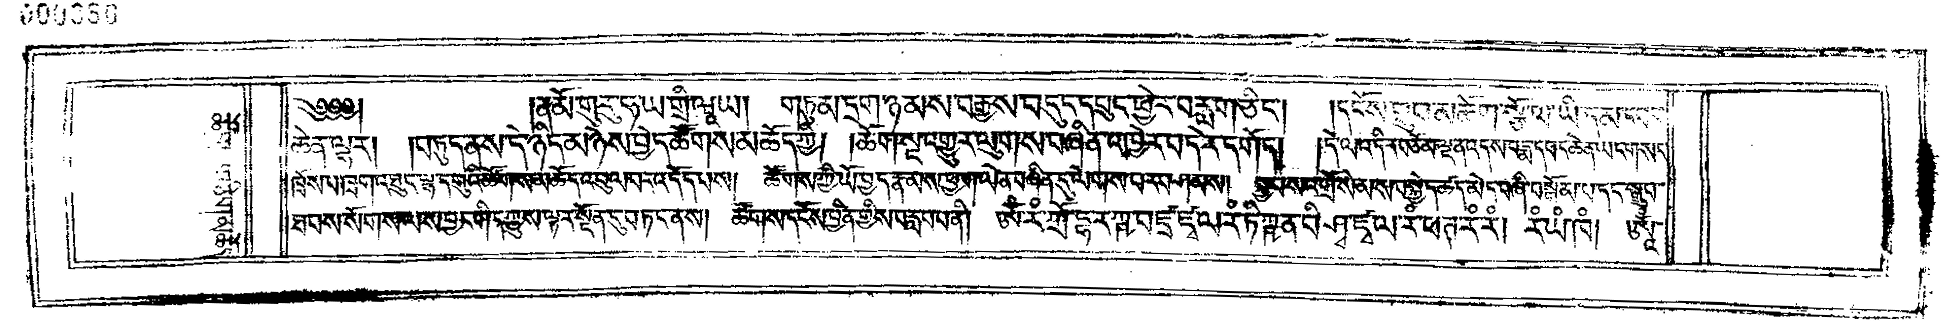༄༅༅། །ན་མོ་གུ་རུ་ཧ་ཡ་གྲི་ཝཱ་ཡ། གཏུམ་དྲག་ཉམས་བརྒྱས་བདུད་དཔུང་ཕྱེར་བརླག་ཅིང་། །དངོས་གྲུབ་མཆོག་སྩོལ་ཡི་དམ་དབང་
ཆེན་ལྷར། །བཏུད་ནས་དེ་ཉིད་མཉེས་བྱེད་ཚོགས་མཆོད་ཀྱི། །ཆོ་ག་སྔ་འགྱུར་ལུགས་བཞིན་འཁྱེར་བདེར་དགོད། །དེ་ལ་འདིར་བཅོམ་ལྡན་འདས་པདམ་དབང་ཆེན་ཡང་གསང་
ཁྲོས་པ་ཁྲག་འཐུང་ལྷ་དགུའི་ཚོགས་མཆོད་འབུལ་བར་འདོད་པས། ཚོགས་ཀྱི་ཡོ་བྱད་རྣམས་ཕྱག་ལེན་བཞིན་དུ་ལེགས་པར་བཤམས། སྐྱབས་འགྲོ་སེམས་བསྐྱེད་ཚད་མེད་བཞི་བསྒོམ་པ་དང་སྒྲུབ་
ཐབས་སོགས་ལས་བྱང་གི་དཀྱུས་ལྟར་སྔོན་དུ་བཏང་ནས། ཚོགས་དངོས་བྱིན་གྱིས་བརླབ་པ་ནི། ཨོཾ་རཾ་ཀྲོ་དྷ་རཀྵ་བཛྲ་ཛྭ་ལ་རཾ་ཏིཀྵ་ན་བི་ཤྭ་ཛྭ་ལ་རཾ་ཕཊ་རཾ་རཾ། རཾ་ཡཾ་ཁཾ། OM་